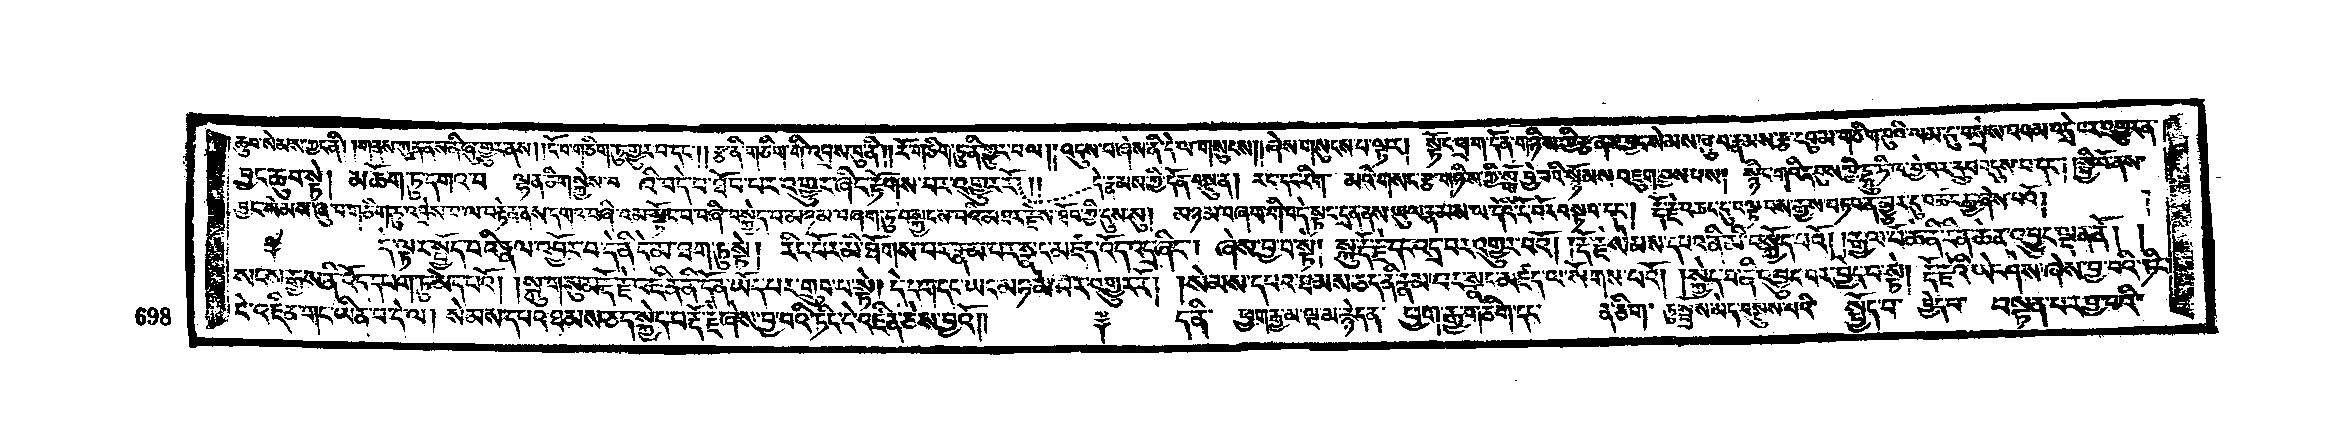ཆུབ་སེམས་ཀྱང་ནི། །གནས་ཀུན་ནས་ནི་ཞུ་གྱུར་ནས། །ངོ་བོ་གཅིག་ཏུ་གྱུར་པ་དང་། །རྩ་ནི་གཅིག་གི་འབྲས་བུ་ནི། །རོ་གཅིག་ཏུ་ནི་གྱུར་པ་ལ། །འདུས་པ་ཞེས་ནི་དེ་ལ་གསུངས། །ཞེས་གསུངས་པ་ལྟར། སྟོང་ཕྲག་དོན་གཉིས་ཀྱི་རྩ་ནས་བྱང་སེམས་ཞུ་བ་རྣམས་རྩ་དབུ་མ་གཅིག་བུའི་ལམ་དུ་བསྲེས་པའམ་འདྲེ་བར་འགྱུར་ན
བྱང་ཆུབ་སྟེ། མཆོག་ཏུ་དགའ་བ་ལྷན་ཅིག་སྐྱེས་བའི་བདེ་བ་ཐོབ་པར་འགྱུར་ཞིང་རྟོགས་པར་འགྱུར་རོ།། དེ་རྣམས་ཀྱི་དོན་བསྡུ་ན། རང་དང་རིག་མའི་གསང་རྩ་གཉིས་ཀྱི་སྒོ་བྱེ་བའི་སྙོམས་འཇུག་བྱས་པས། སྙིང་གའི་དབུས་ཀྱི་དྷཱུ་ཏི་ཁ་བྱེ་པར་རླུང་འདུས་པ་དང་། །སྤྱི་བོ་ནས་
བྱང་སེམས་ཞུ་བ་གཅིག་ཏུ་འདྲེས་པ་ལ་བརྟེན་ནས་དགའ་བཞི་འམ་སྟོང་པ་བཞི་བསྐྱེད་པ་མཉམ་བཞག་ཏུ་བསྐྱངས་པའི་མཐར་རྗེས་ཐོབ་ཀྱི་དུས་སུ། མཉམ་བཞག་གི་བདེ་སྟང་དྲན་ནས་ཡུལ་རྣམས་ལ་དེའི་ངོ་བོར་བལྟ་བ་དང་། རྡོ་རྗེ་འཆང་དུ་བལྟ་བས་རྒྱས་བཏབ་ན་མྱུར་དུ་འཚང་རྒྱ་ཞེས་པའོ། །
༈ དེ་ལྟར་སྤྱོད་པའི་རྣལ་འབྱོར་པ་དེ་ནི་དེ་མ་ཐག་ཏུ་སྟེ། རིང་པོར་མི་ཐོགས་པར་རྣམ་པར་སྣང་མཛད་འོད་འདྲ་ཞིང་། ཞེས་བྱ་བ་སྟེ། སྐུ་རྡོ་རྗེ་དང་འདྲ་བར་འགྱུར་བའོ། །རྡོ་རྗེ་སེམས་དཔའ་ནི་མི་བསྐྱོད་པའོ། །རྒྱལ་པོ་ཆེ་ནི་རིན་ཆེན་འབྱུང་ལྡན་ནོ། །
སངས་རྒྱས་ནི་འོད་དཔག་ཏུ་མེད་པའོ། །སྐུ་གསུམ་རྡོ་རྗེ་འཛིན་ནི་དོན་ཡོད་པར་གྲུབ་པ་སྟེ། དེ་དག་དང་ཡང་མཉམ་པར་འགྱུར་རོ། །སེམས་དཔའ་ཐམས་ཅད་ནི་རྣམ་པར་སྣང་མཛད་ལ་སོགས་པའོ། །སྐྱེད་པ་ནི་འབྱུང་བར་བྱེད་པ་སྟེ། རྡོ་རྗེའི་ཡེ་ཤེས་ཞེས་བྱ་བའི་ཏིང་
ངེ་འཛིན་གང་ཡིན་པ་དེ་ལ། སེམས་དཔའ་ཐམས་ཅད་སྐྱེད་པ་རྡོ་རྗེ་ཞེས་བྱ་བའི་ཏིང་ངེ་འཛིན་ཅེས་བྱའོ།། ༈ ད་ནི་ཕྱག་རྒྱ་མ་ལྔ་མ་རྙེད་ན་ཕྱག་རྒྱ་གཅིག་དང་ཡང་ལྷན་ཅིག་ཏུ་སྤྲོས་མེད་བསྡུས་པའི་སྤྱོད་པ་བྱེད་པ་བསྟན་པར་བྱ་བའི་